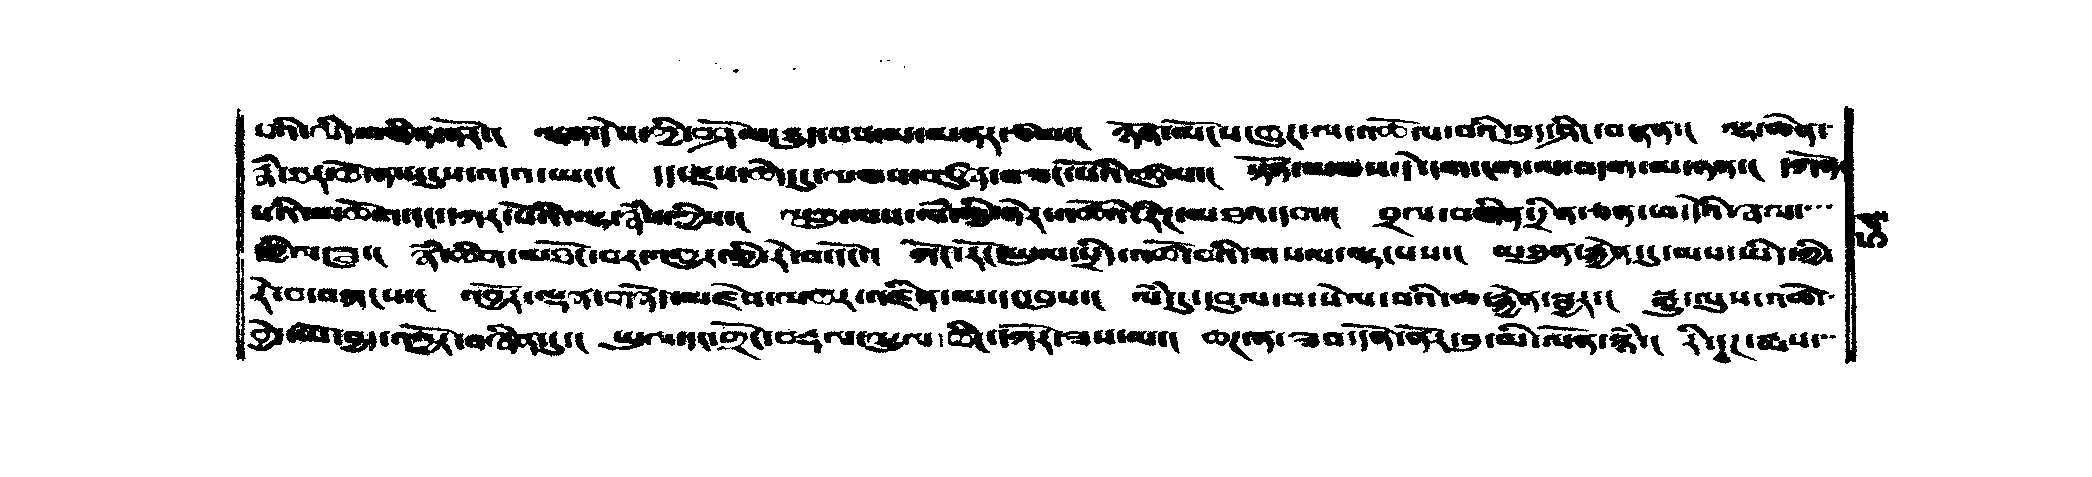པའི་ཡིད་བཞིན་ནོར། །ལྡན་དེས་ཕྱི་བཤོལ་རྒུད་བས་མ་མནར་ཙམ། །ཉོན་མོངས་ཞུགས་ལ་འཆོལ་བའི་བུད་ཤིང་བསྣན། །ལྷ་ཆེན་
རྣམ་ཐར་ཁོ་ནས་དུས་འདའ་ཡང་། །དད་རྫས་ཆེད་དུ་མཁས་བཙུན་བཟང་པོའི་ཚུལ། །སྟོན་མཁས་དེ་དག་ངག་ལ་བདག་མ་ཉན། །དཀོན་
པའི་མཆོག་དང་དཀར་པོའི་ལྷ་རྣམས་ཀྱིས། །མཐུ་ལས་ལམ་གྱི་ཉེར་འཚེའི་རིགས་མཐའ་དག བྲལ་བཞིན་དྲིན་ཅན་ཕ་དེའི་ཞལ་
དཀྱིལ་ཟླ། །ནམ་ཞིག་མཐོང་བར་འགྱུར་གྱི་རེ་བ་དོང་། །ཀོང་རོང་ཡུལ་སྲིད་འཚོ་བའི་གསལ་ལྷ་པས། །མཐུན་རྐྱེན་དུ་མས་ཡིད་ཀྱི་
རེ་བ་བསྐངས། །འབྱོར་ལྡན་གནོད་མཛེས་མཁར་འཛིན་མ་དང་བུས། །ལམ་དུ་དབུལ་བ་སེལ་བའི་ཆ་རྐྱེན་སྦྱར། །སྒྱུ་ལུས་འཚོ་
བྱེད་ཡོ་བྱད་འབྱོར་བཞིན་དུ། །ཡུལ་དང་གྲོང་བརྡལ་མྱུལ་ཞིང་དཀོར་ཟས་ལ། །ཆགས་ན་ཟབ་དོན་ནོར་བུ་མི་ལོན་སྙམ། །རི་དྭགས་རྨས་